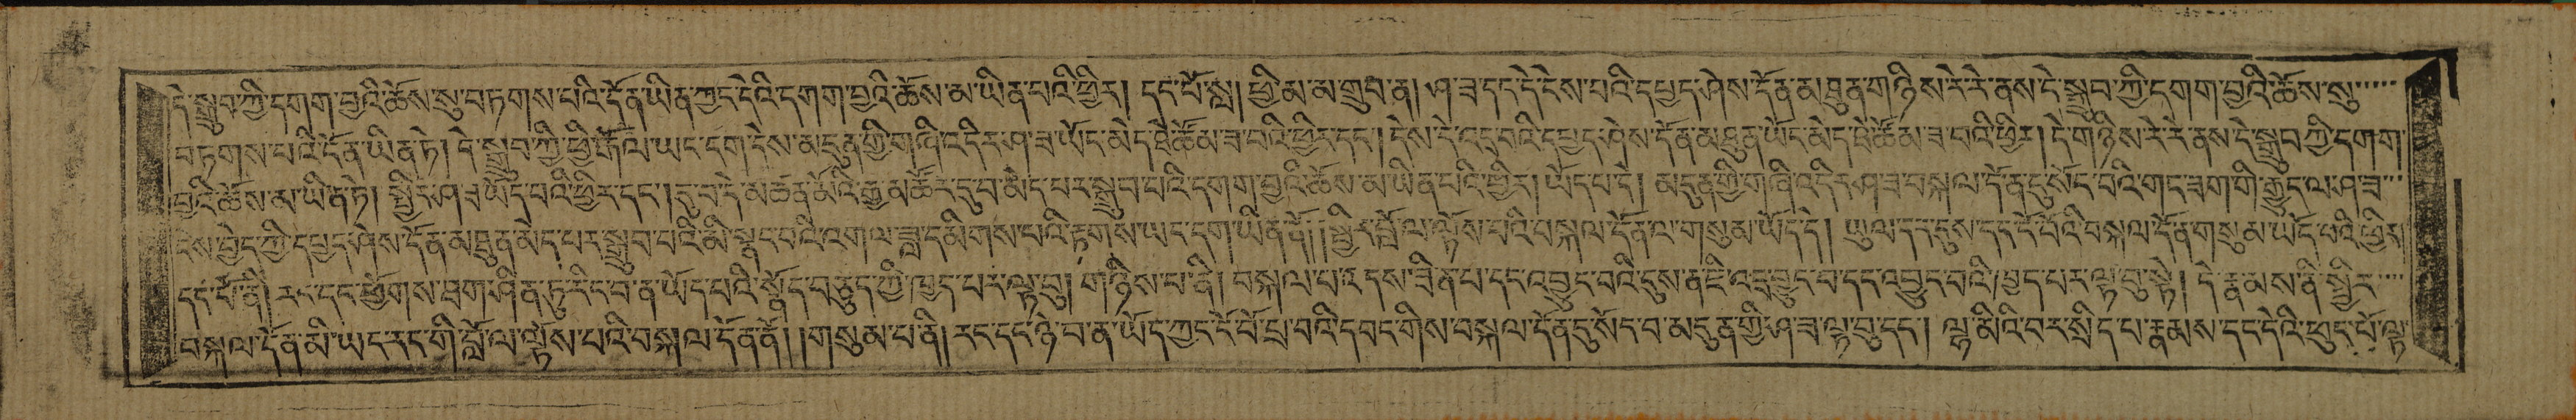དེ་སྒྲུབ་ཀྱི་དགག་བྱའི་ཆོས་སུ་བཏགས་པའི་དོན་ཡིན་ཀྱང་དེའི་དགག་བྱའི་ཆོས་མ་ཡིན་པའི་ཕྱིར། དང་པོ་སླ། ཕྱི་མ་མ་གྲུབ་ན། ཤ་ཟ་དང་དེ་ངེས་པའི་དཔྱད་ཤེས་དོན་མཐུན་གཉིས་རེ་རེ་ནས་དེ་སྒྲུབ་ཀྱི་དགག་བྱའི་ཆོས་སུ་
བཏགས་པའི་དོན་ཡིན་ཏེ། དེ་སྒྲུབ་ཀྱི་ཕྱི་རྒོལ་ཡང་དག་དེས་མདུན་གྱི་གཞི་འདིར་ཤ་ཟ་ཡོད་མེད་ཐེ་ཚོམ་ཟ་བའི་ཕྱིར་དང་། དེས་དེ་འདྲ་བའི་དཔྱད་ཤེས་དོན་མཐུན་ཡོད་མེད་ཐེ་ཚོམ་ཟ་བའི་ཕྱིར། དེ་གཉིས་རེ་རེ་ནས་དེ་སྒྲུབ་ཀྱི་དགག་
བྱའི་ཆོས་མ་ཡིན་ཏེ། སྤྱིར་ཤ་ཟ་ཡོད་པའི་ཕྱིར་དང་། དུ་བ་དེ་མཚན་མོའི་རྒྱ་མཚོར་དུ་བ་མེད་པར་སྒྲུབ་པའི་དགག་བྱའི་ཆོས་མ་ཡིན་པའི་ཕྱིར། ཡོད་པ་དེ། མདུན་གྱི་གཞི་འདིར་ཤ་ཟ་བསྐལ་དོན་དུ་སོང་བའི་གང་ཟག་གི་རྒྱུད་ལ་ཤ་ཟ་
ངེས་བྱེད་ཀྱི་དཔྱད་ཤེས་དོན་མཐུན་མེད་པར་སྒྲུབ་པའི་མི་སྣང་བའི་འགལ་ཟླ་དམིགས་པའི་རྟགས་ཡང་དག་ཡིན་ནོ། །སྤྱིར་བློ་ལ་ལྟོས་པའི་བསྐལ་དོན་ལ་གསུམ་ཡོད་དེ། ཡུལ་དང་དུས་དང་ངོ་བོའི་བསྐལ་དོན་གསུམ་ཡོད་པའི་ཕྱིར།
དང་པོ་ནི། རང་དང་ཕྱོགས་ཐག་ཤིན་ཏུ་རིང་བ་ན་ཡོད་པའི་སྣོད་བཅུད་ཀྱི་ཁྱད་པར་ལྟ་བུ། གཉིས་པ་ནི། བསྐལ་པ་འདས་ཟིན་པ་དང་འབྱུང་བའི་དུས་ན་ཇི་འདྲ་བྱུང་བ་དང་འབྱུང་བའི་ཁྱད་པར་ལྟ་བུ་སྟེ། དེ་རྣམས་ནི་སྤྱིར་
བསྐལ་དོན་མི་ཡང་རང་གི་བློ་ལ་ལྟོས་པའི་བསྐལ་དོན་ནོ། །གསུམ་པ་ནི། རང་དང་ཉེ་བ་ན་ཡོད་ཀྱང་ངོ་བོ་ཕྲ་བའི་དབང་གིས་བསྐལ་དོན་དུ་སོང་བ་མདུན་གྱི་ཤ་ཟ་ལྟ་བུ་དང་། ལྷ་མིའི་བར་སྲིད་པ་རྣམས་དང་དེའི་ཕུང་པོ་ལྟ་